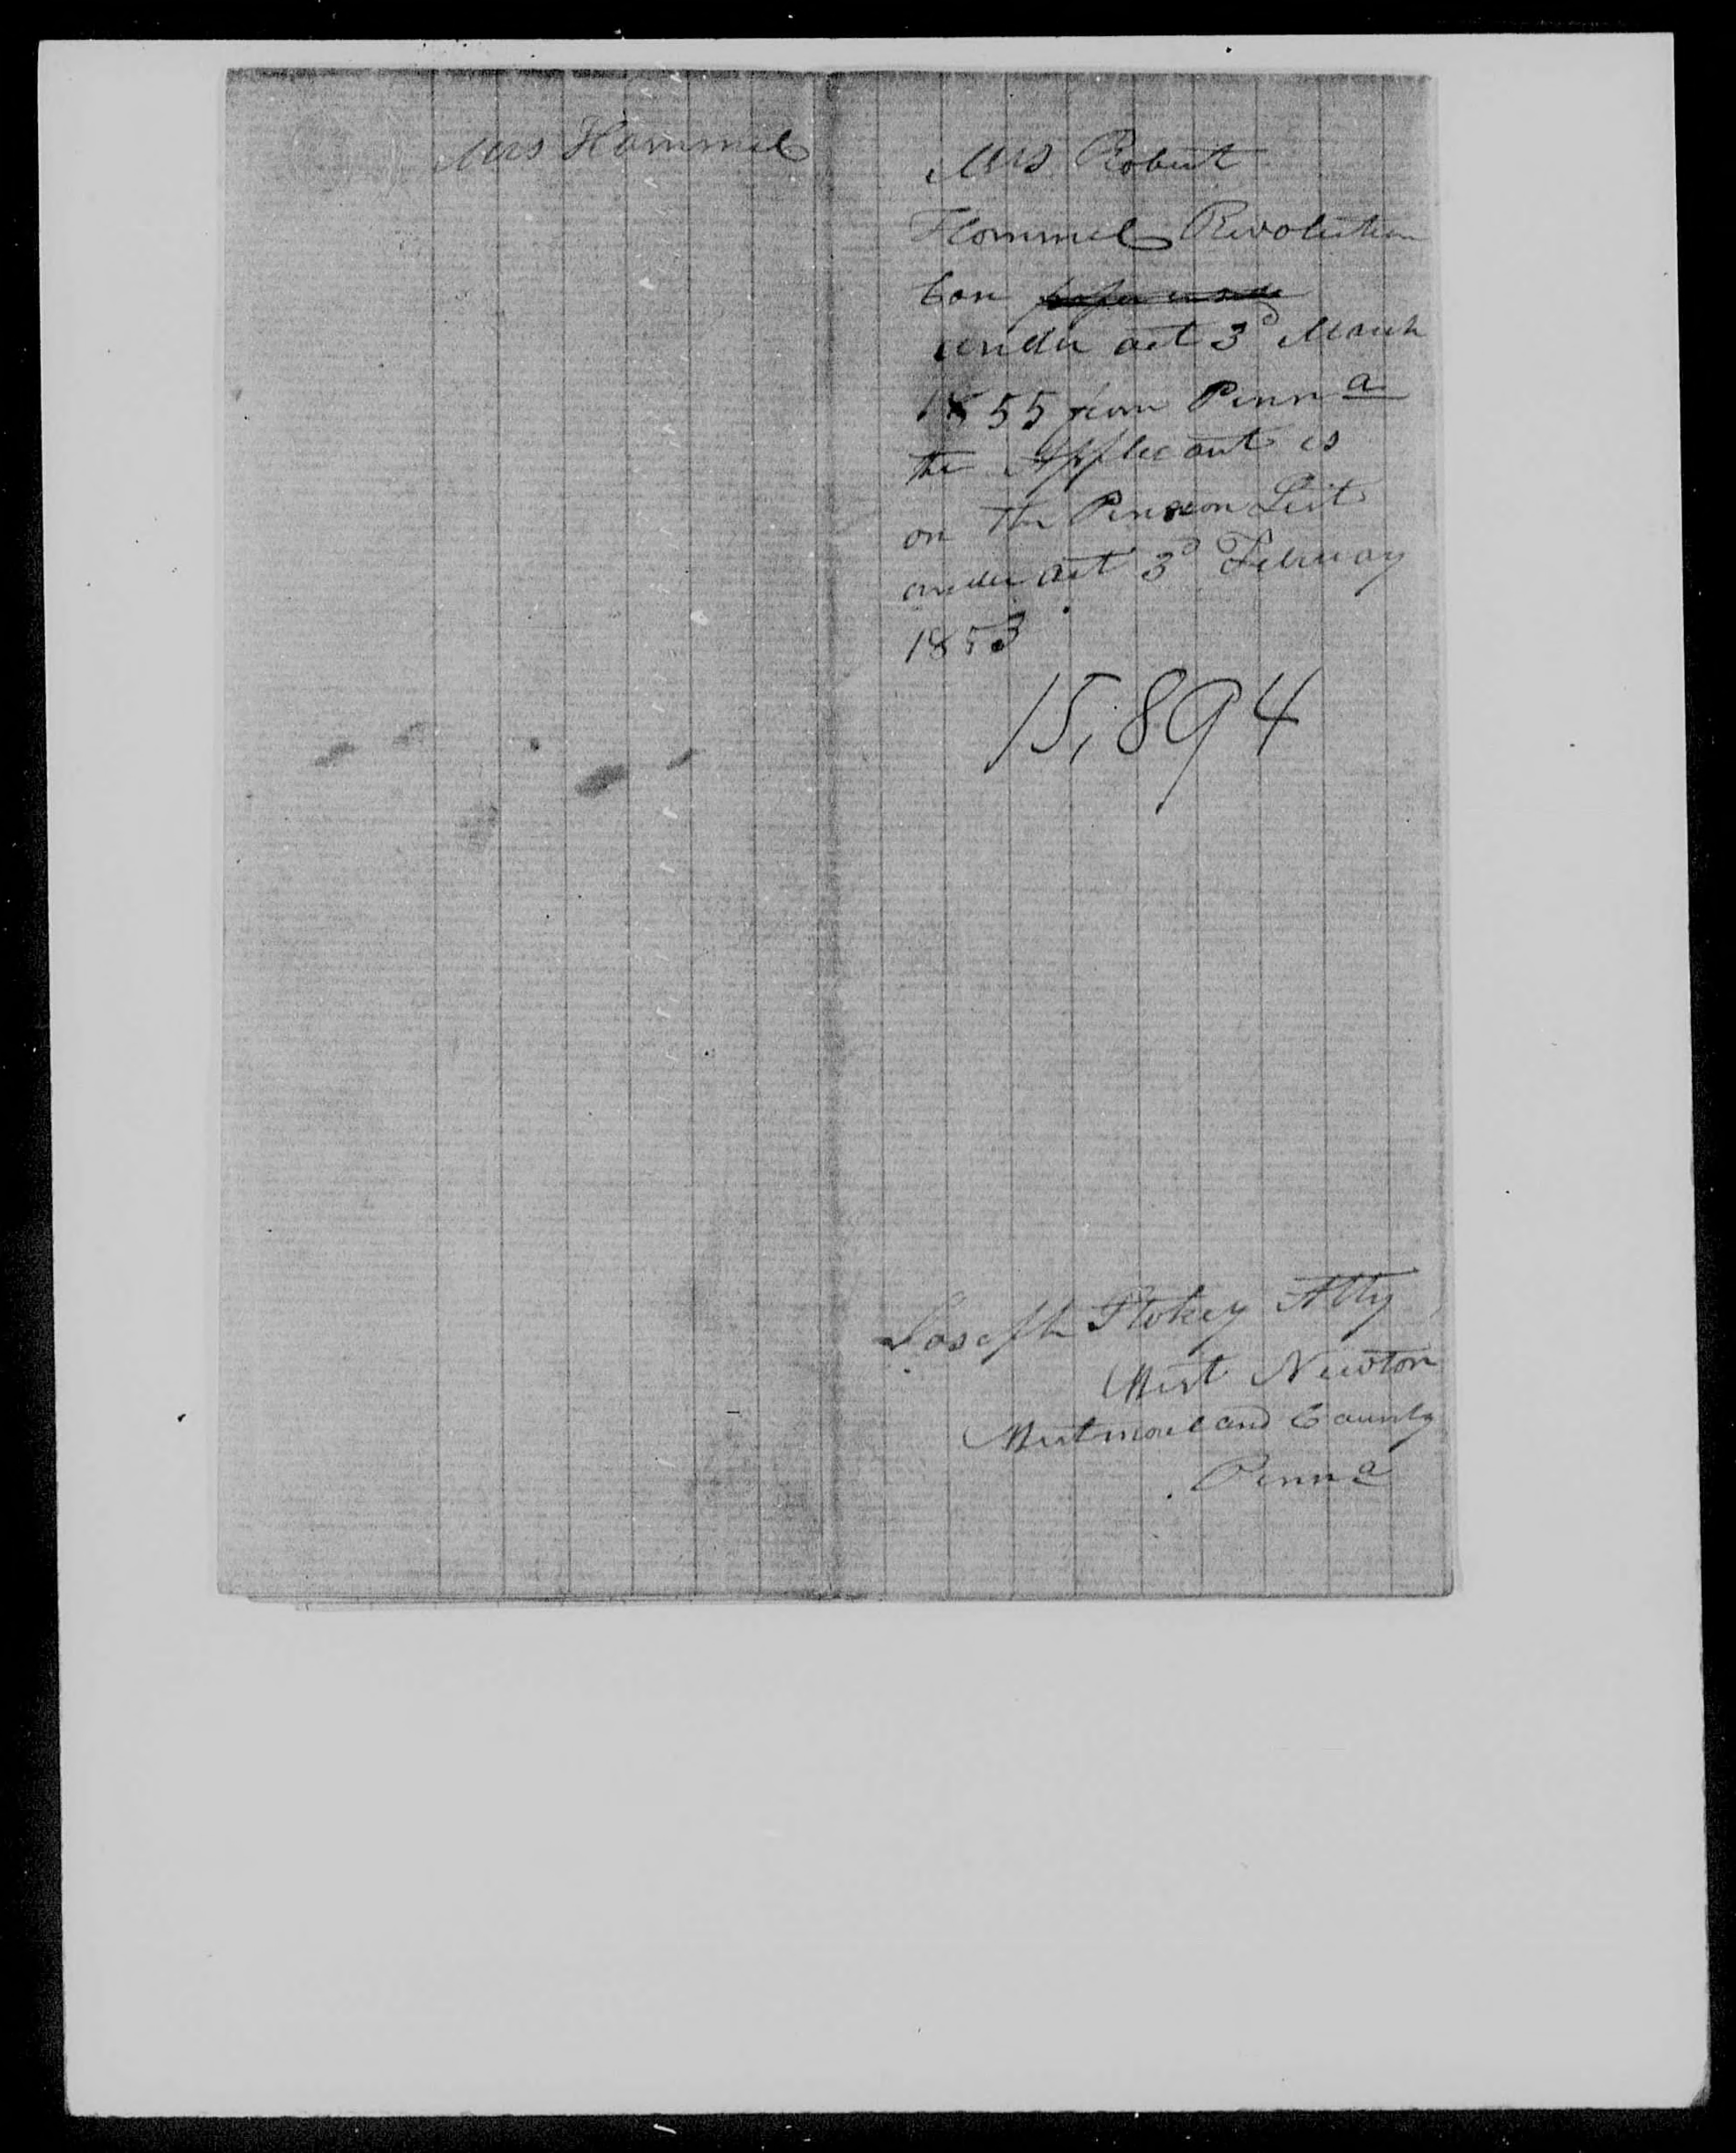Mrs Hammel
Mrs Robert Hammel Revolution 
[Con] under Act 30 March 1855 from Penna
The applicant is on the Pension List 
under Act 30 February 1853
15,894
Joseph Stokey  Atty
West Newton
Westmoreland County
Penna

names: Hammel, Robert Hammel, Joseph Stokey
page: 22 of 92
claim: widow's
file: W 1173, Robert Hamill, Penn.